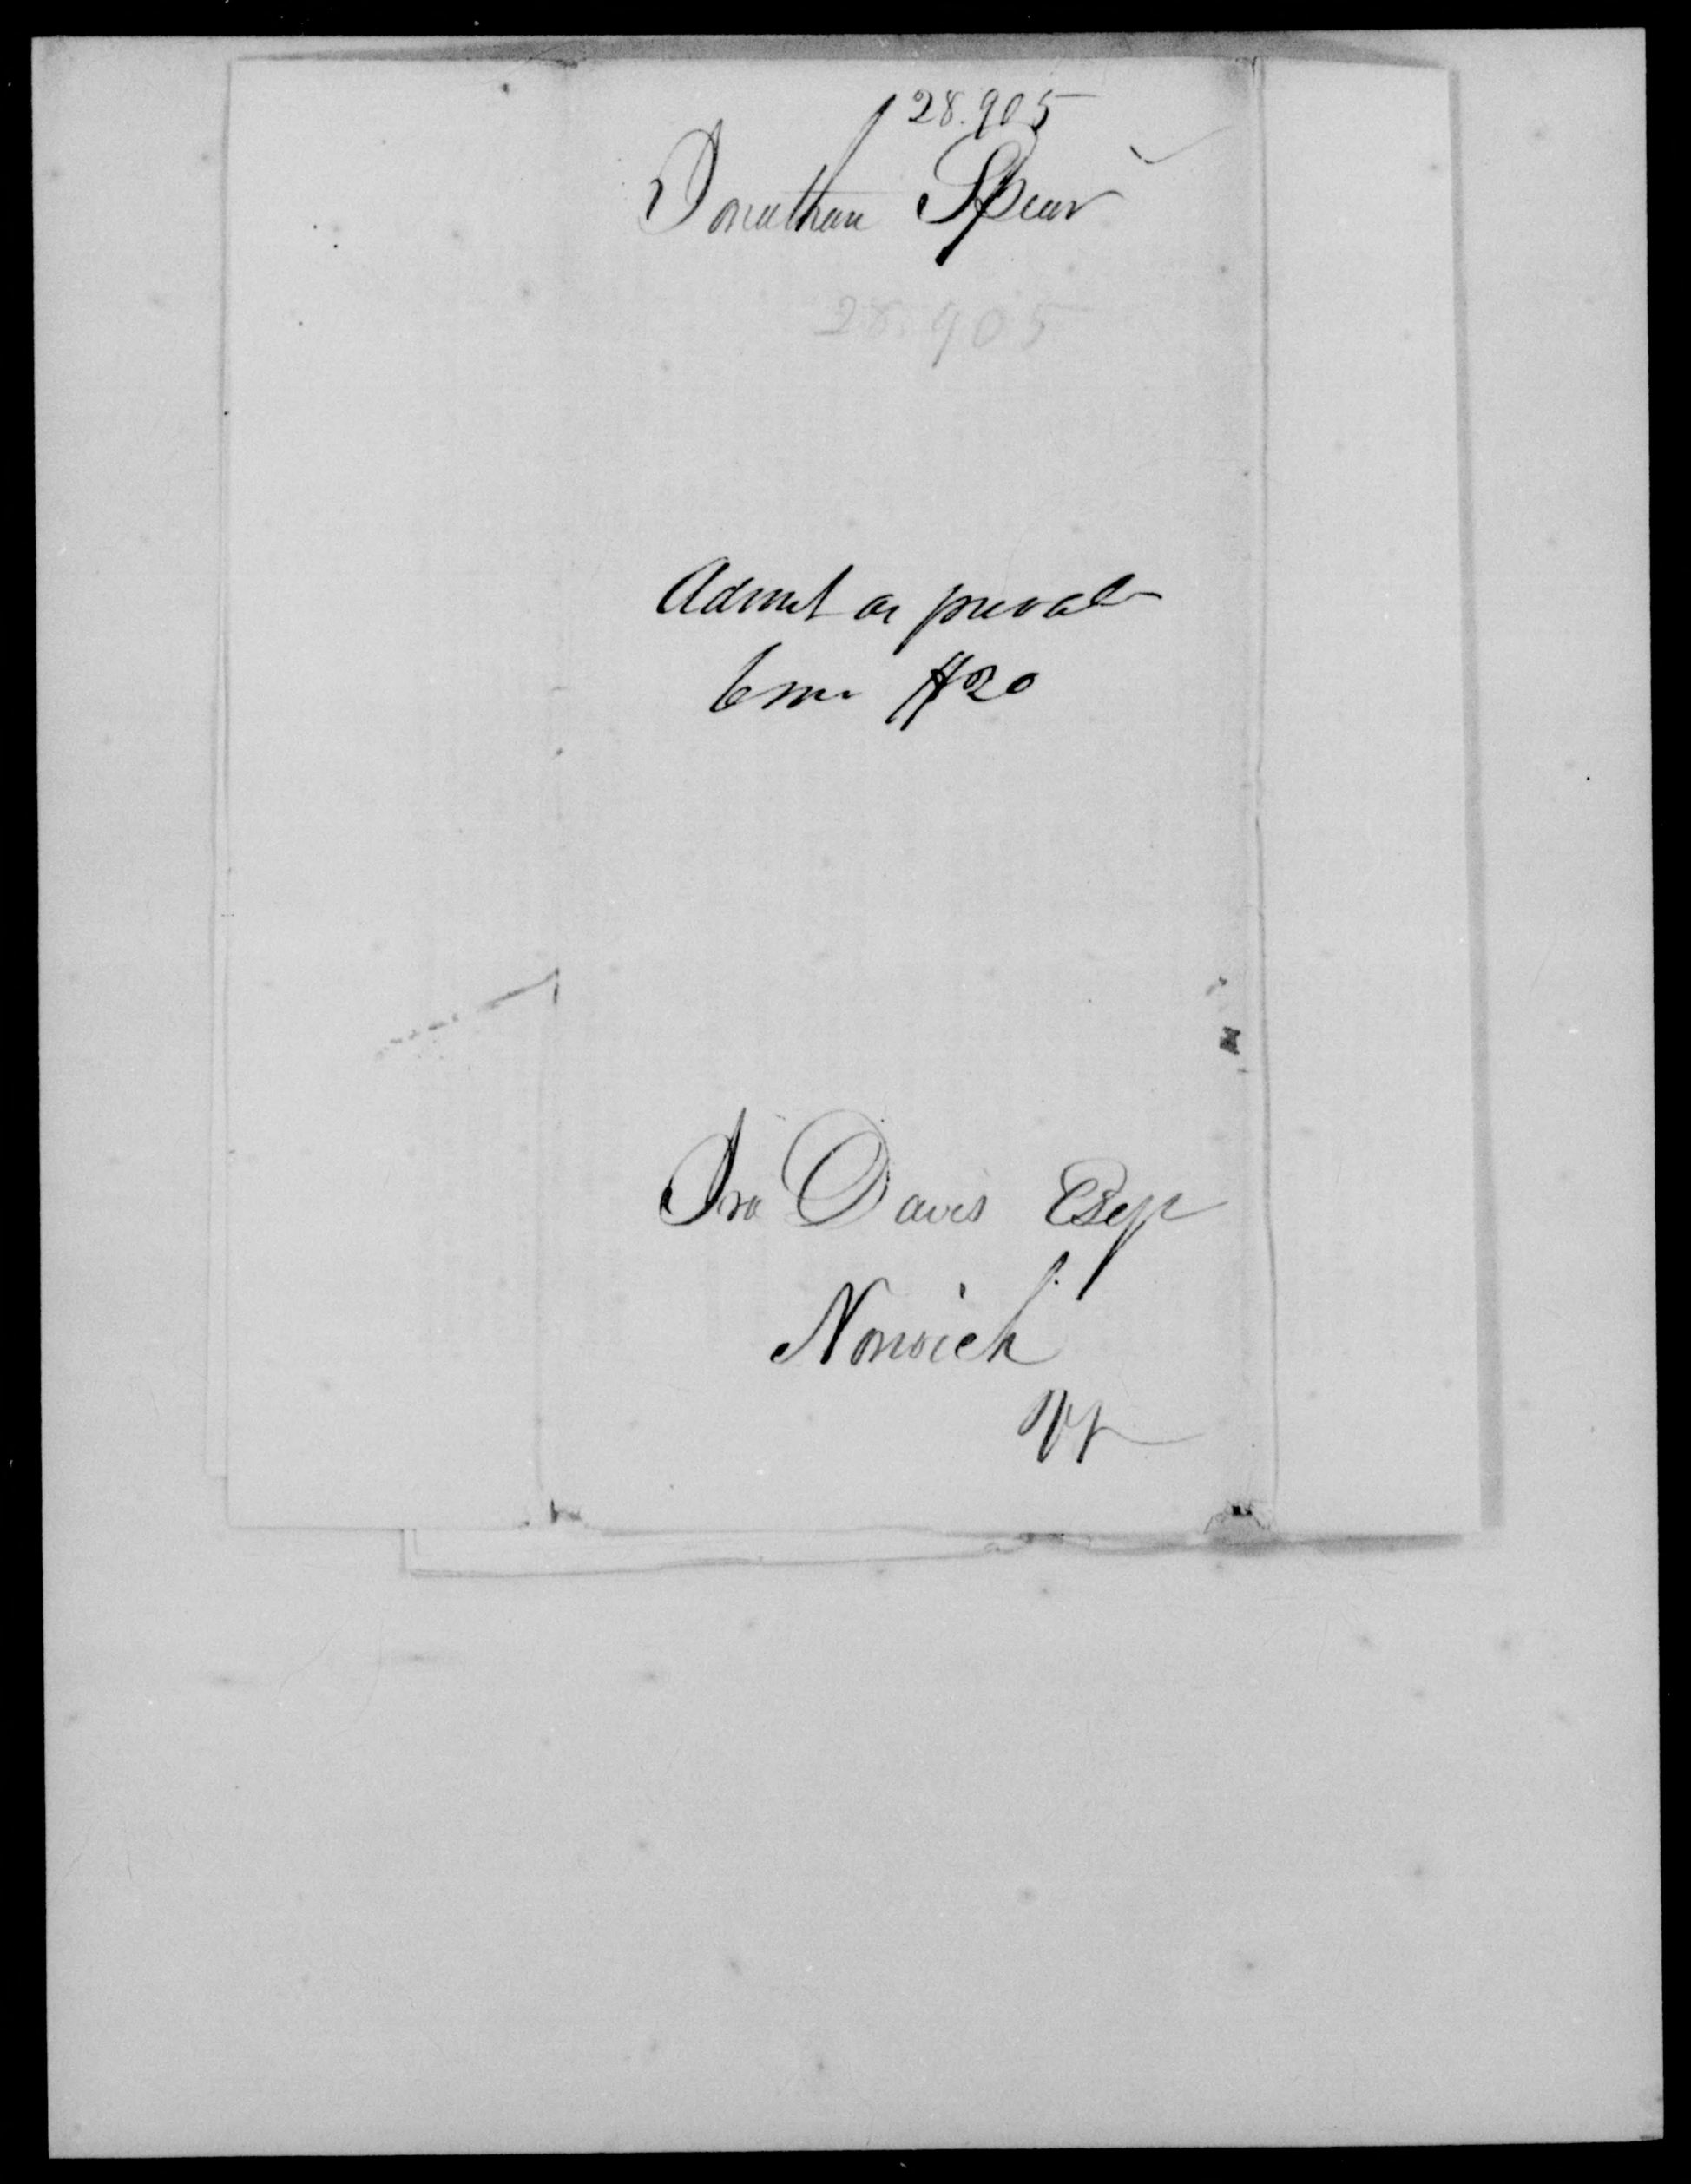28.905
Jonathan Spear
28905
Admit as private
6 mo $20
Ira Davis Esqr
Norwich VT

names: Ira Davis; Jonathan Spear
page: 40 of 65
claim: widow's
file: W. 7197, for Jonathan Spear, Vermont